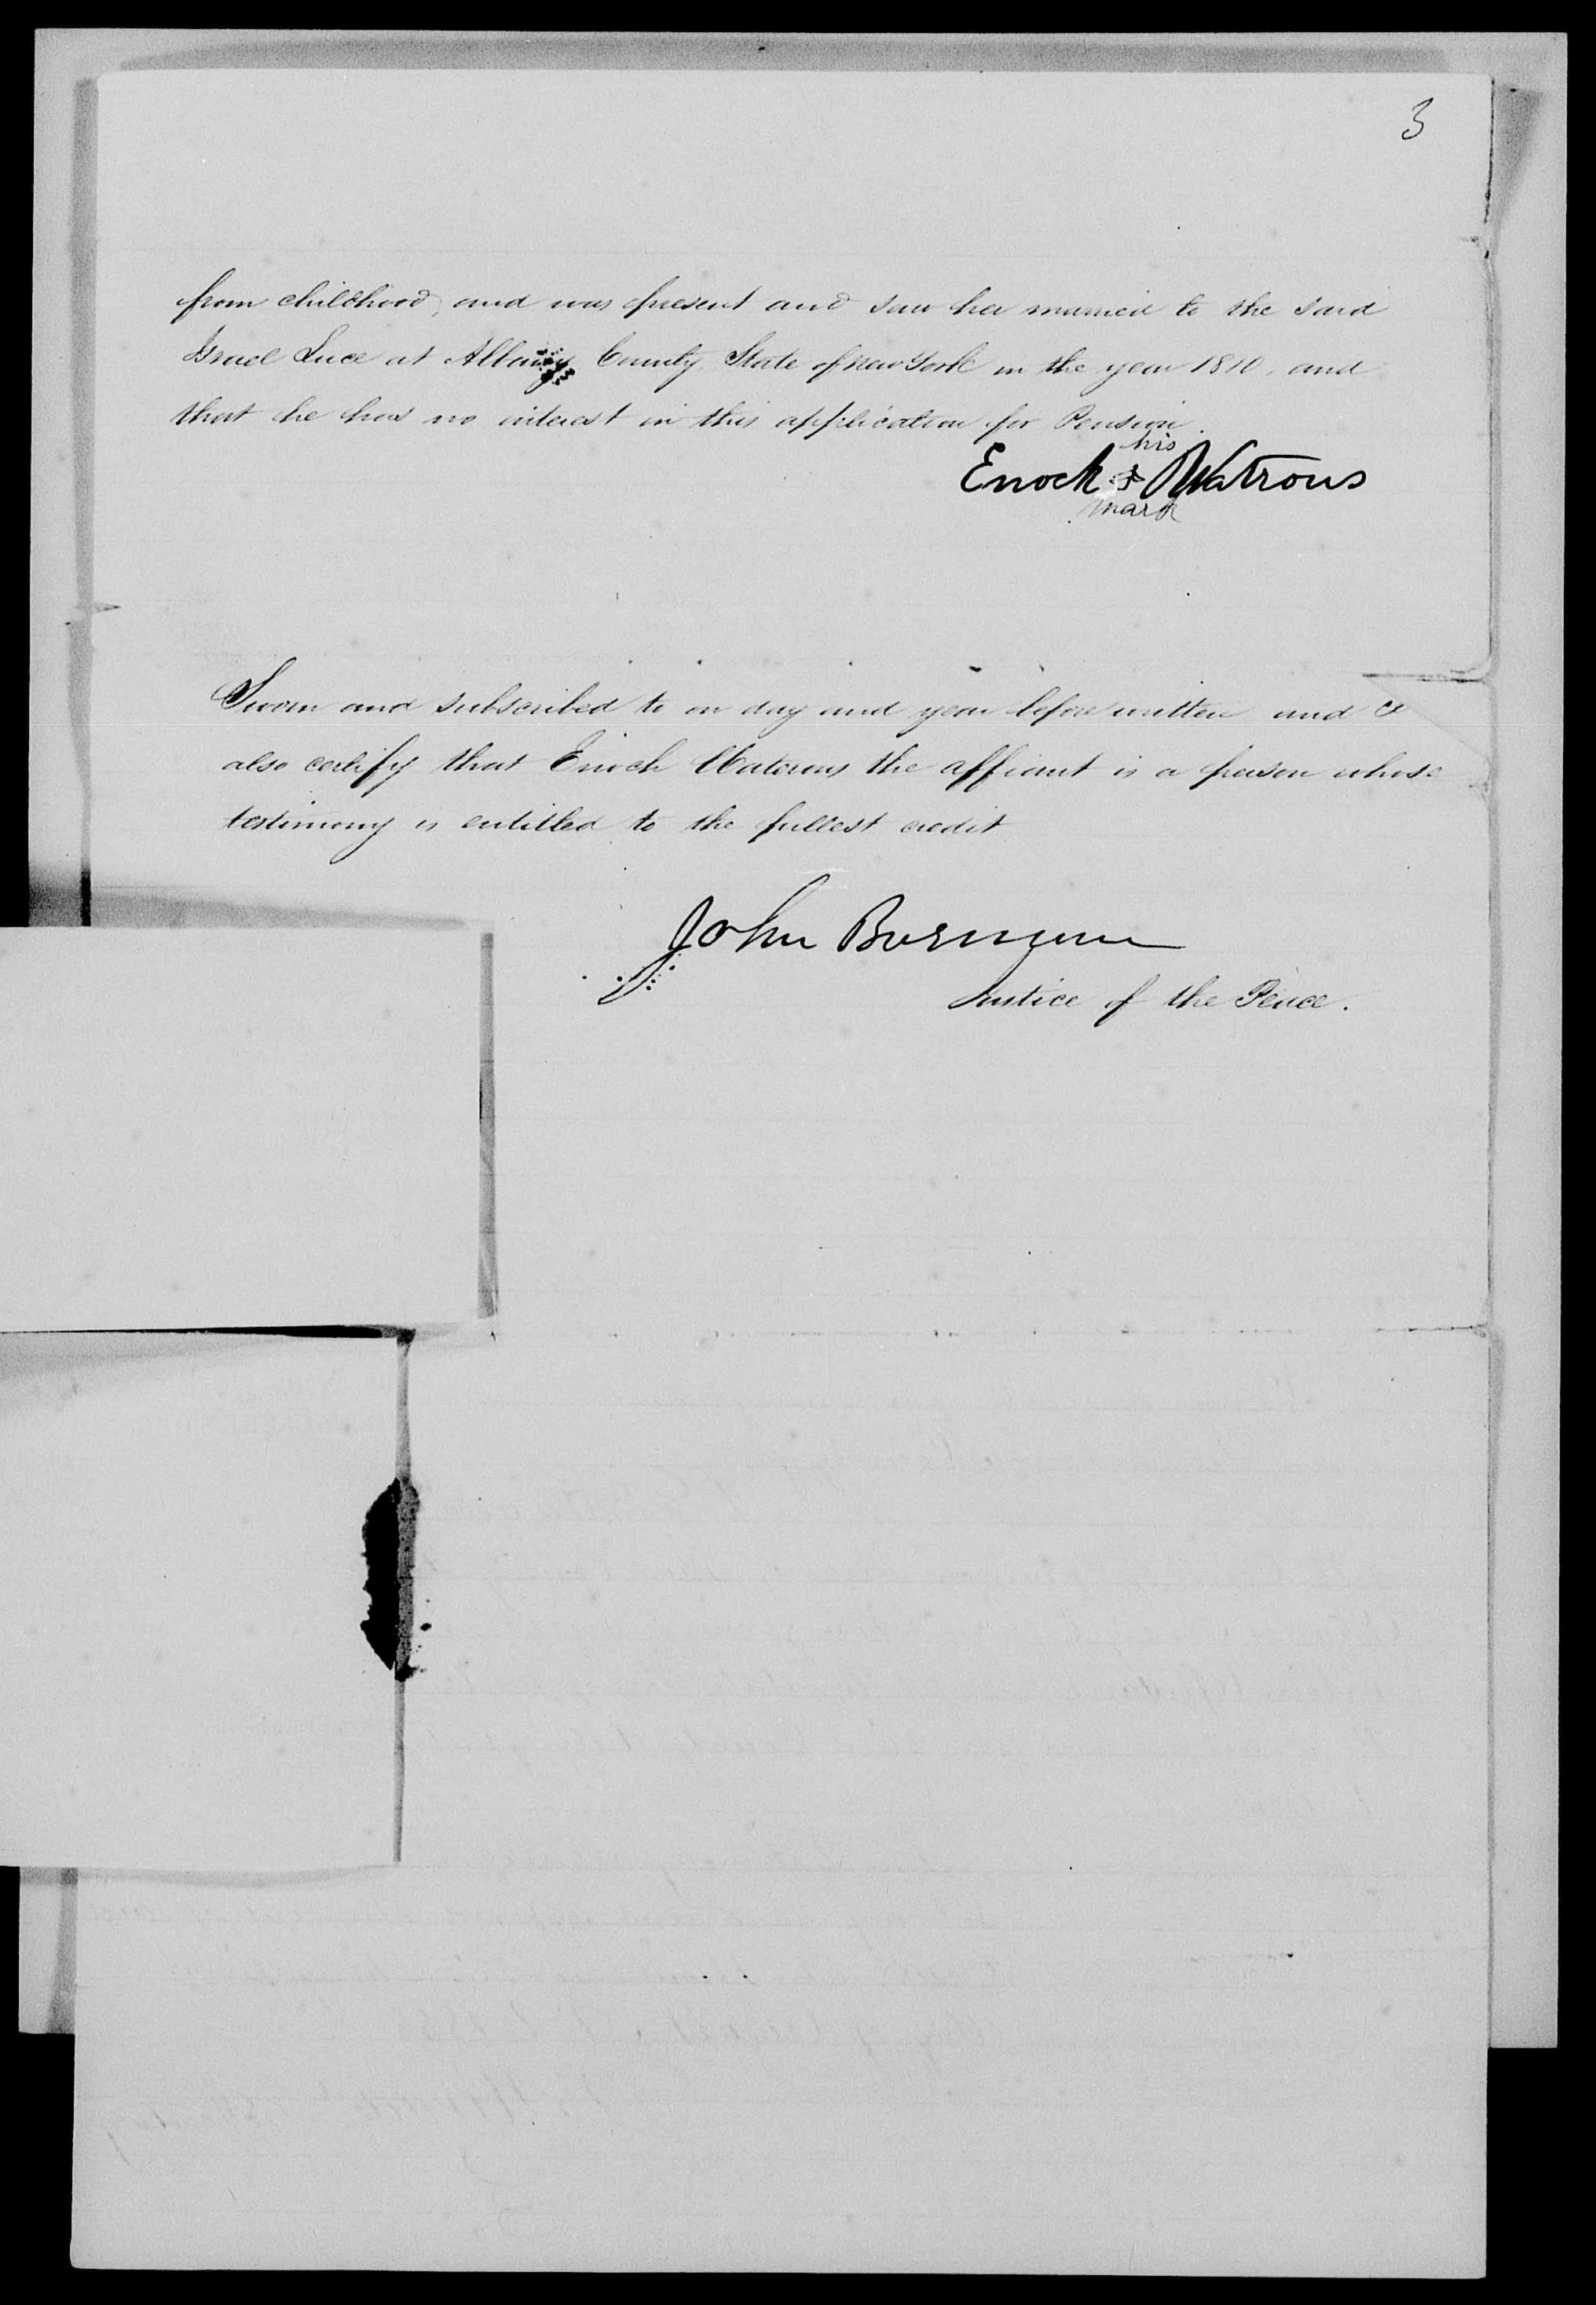from childhood and was present and saw her married to the said  Israel Luce at Albany County State of New York in the year 1810 and that he has no interest in this application for Pension

[signed]
Enoch Watrous
X his mark

Sworn and subscribed to on day and year before written and I also certify that Enoch Watrous the affiant is a person whose testimony is entitled to the fullest credit

[signed]
John Burnum
Justice of the Peace.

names: Israel Luce; John Burnum; Enoch Watrous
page: 17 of 70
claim: rejected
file: R. 6510, for Israel Luce, New York